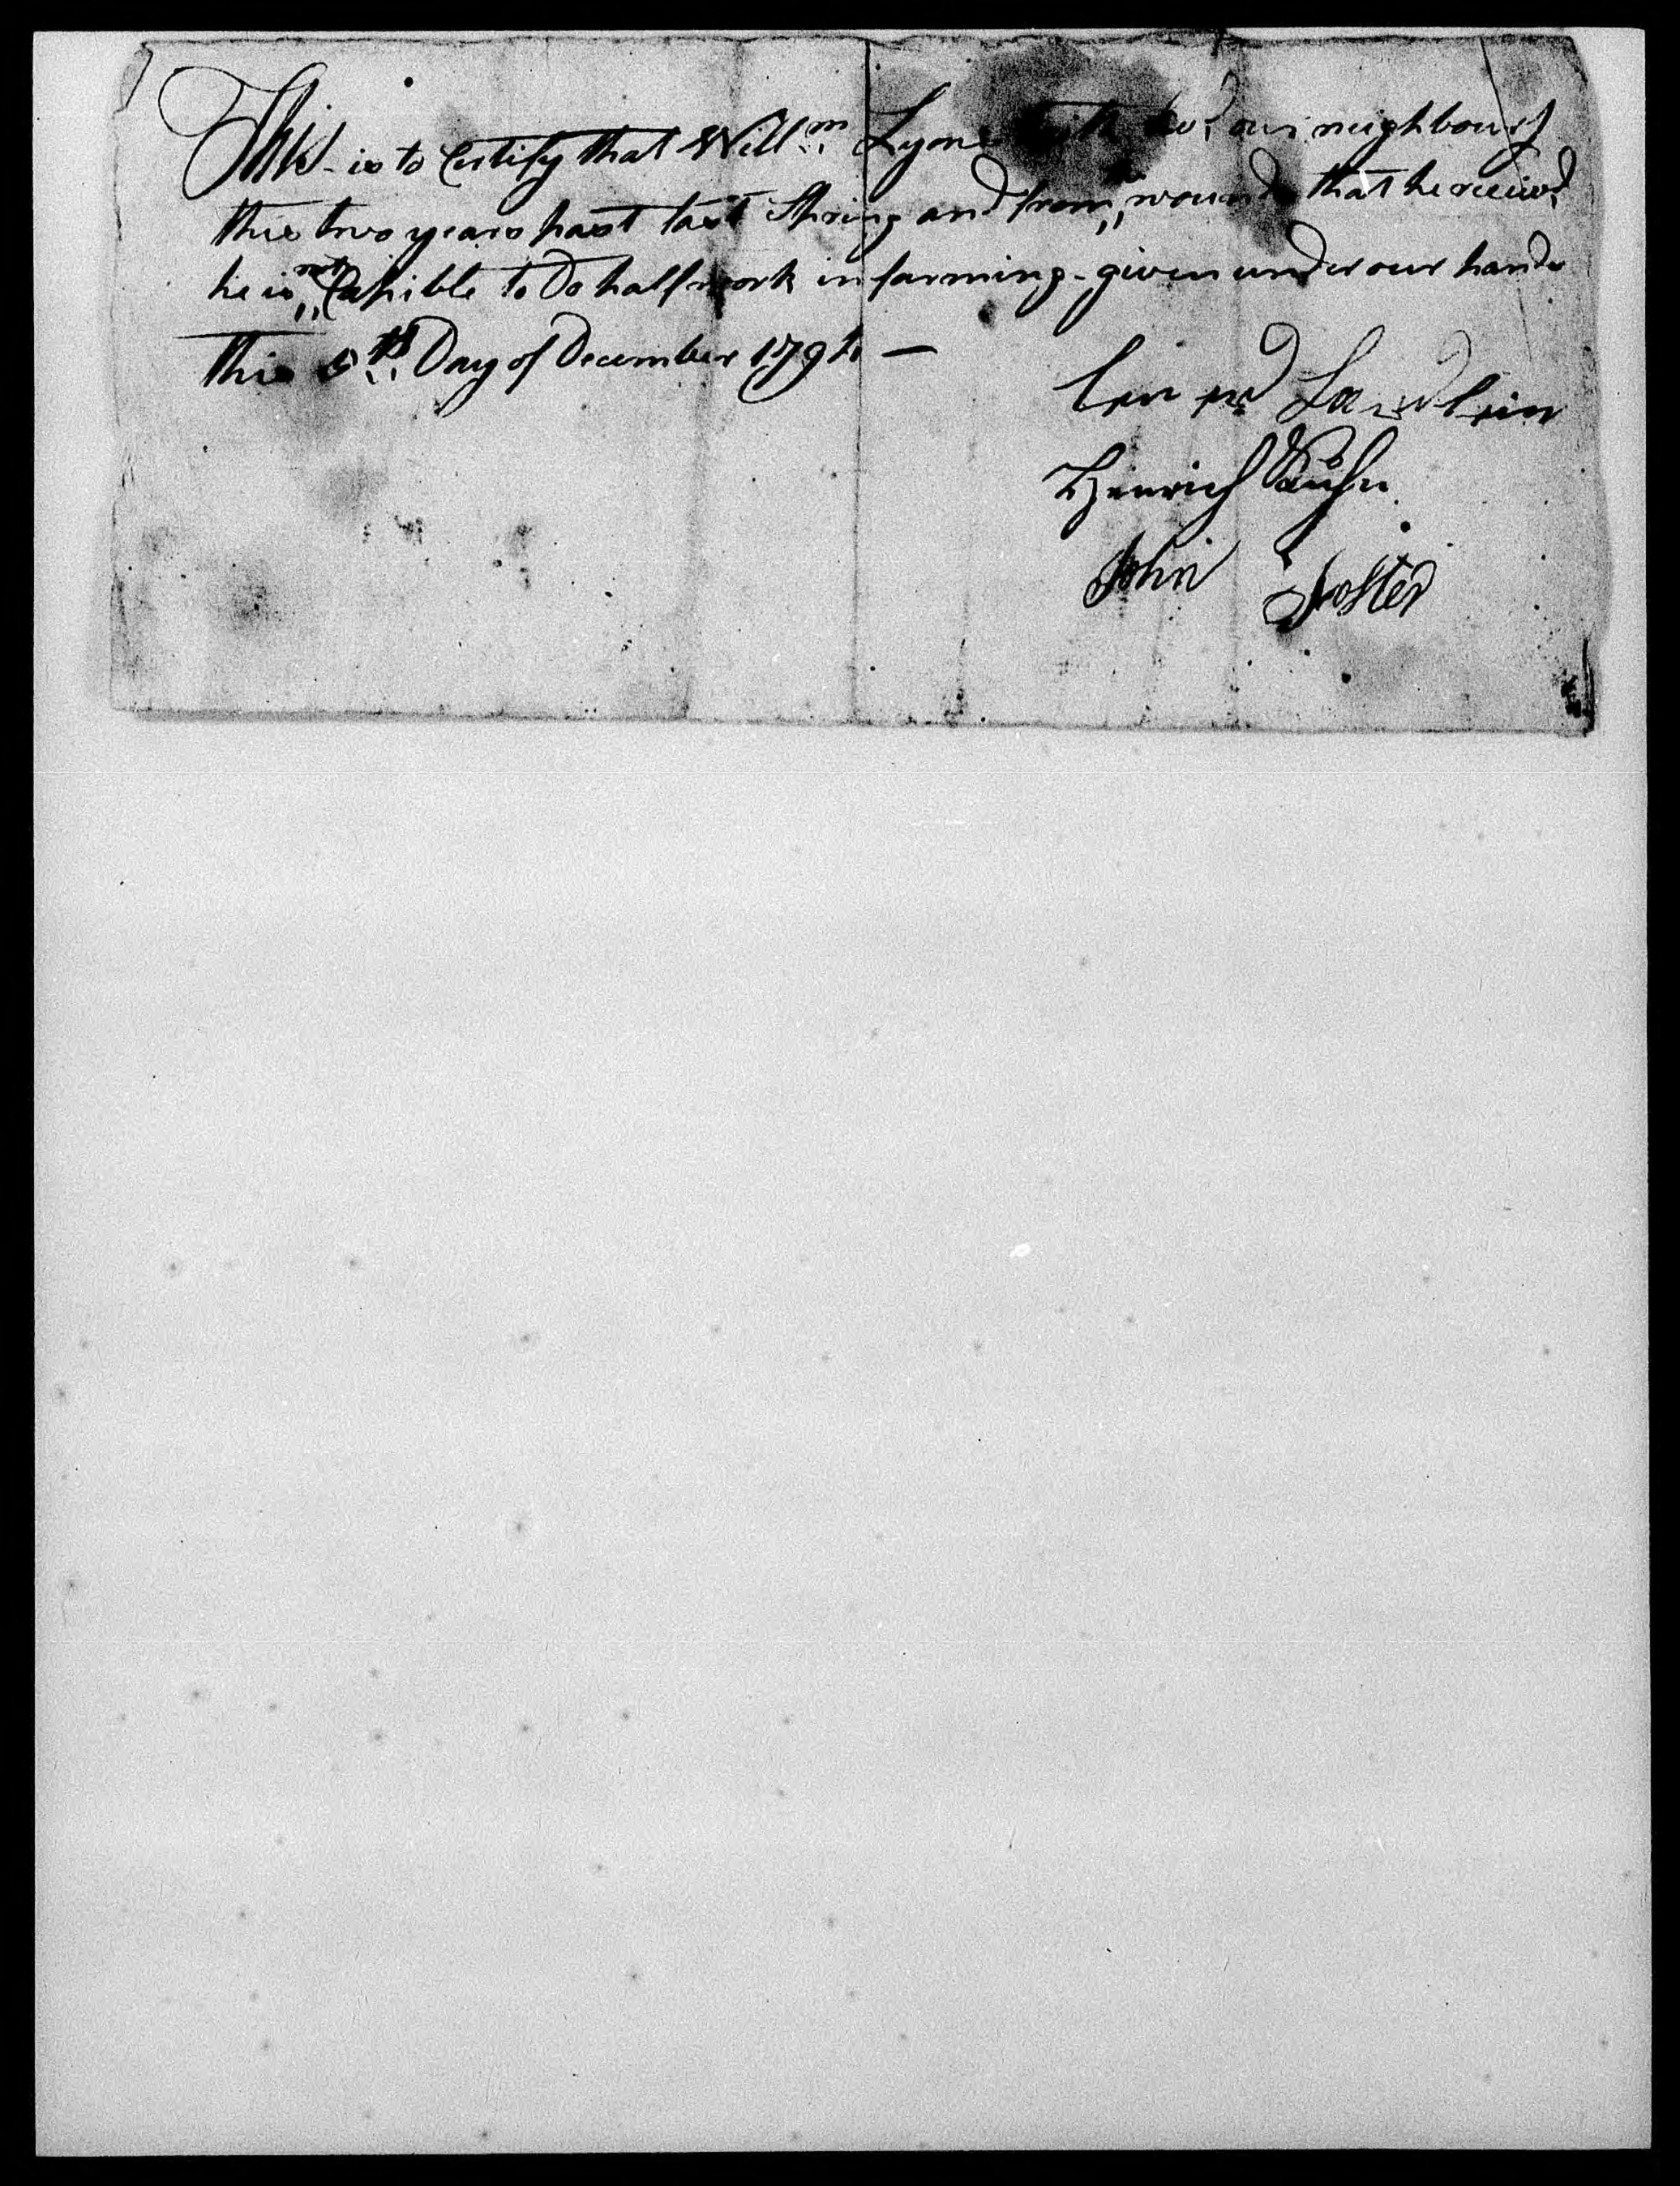This is to certify that William Lyons is our neighbor of this two years last Spring and from war that he received he is not eligible to do half work in farming given under our hand this 5th Day of December 1792
(Unreadable Signatures)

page: 3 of 41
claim: survivor's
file: S. 4585, for William Lyons, Pennsylvania